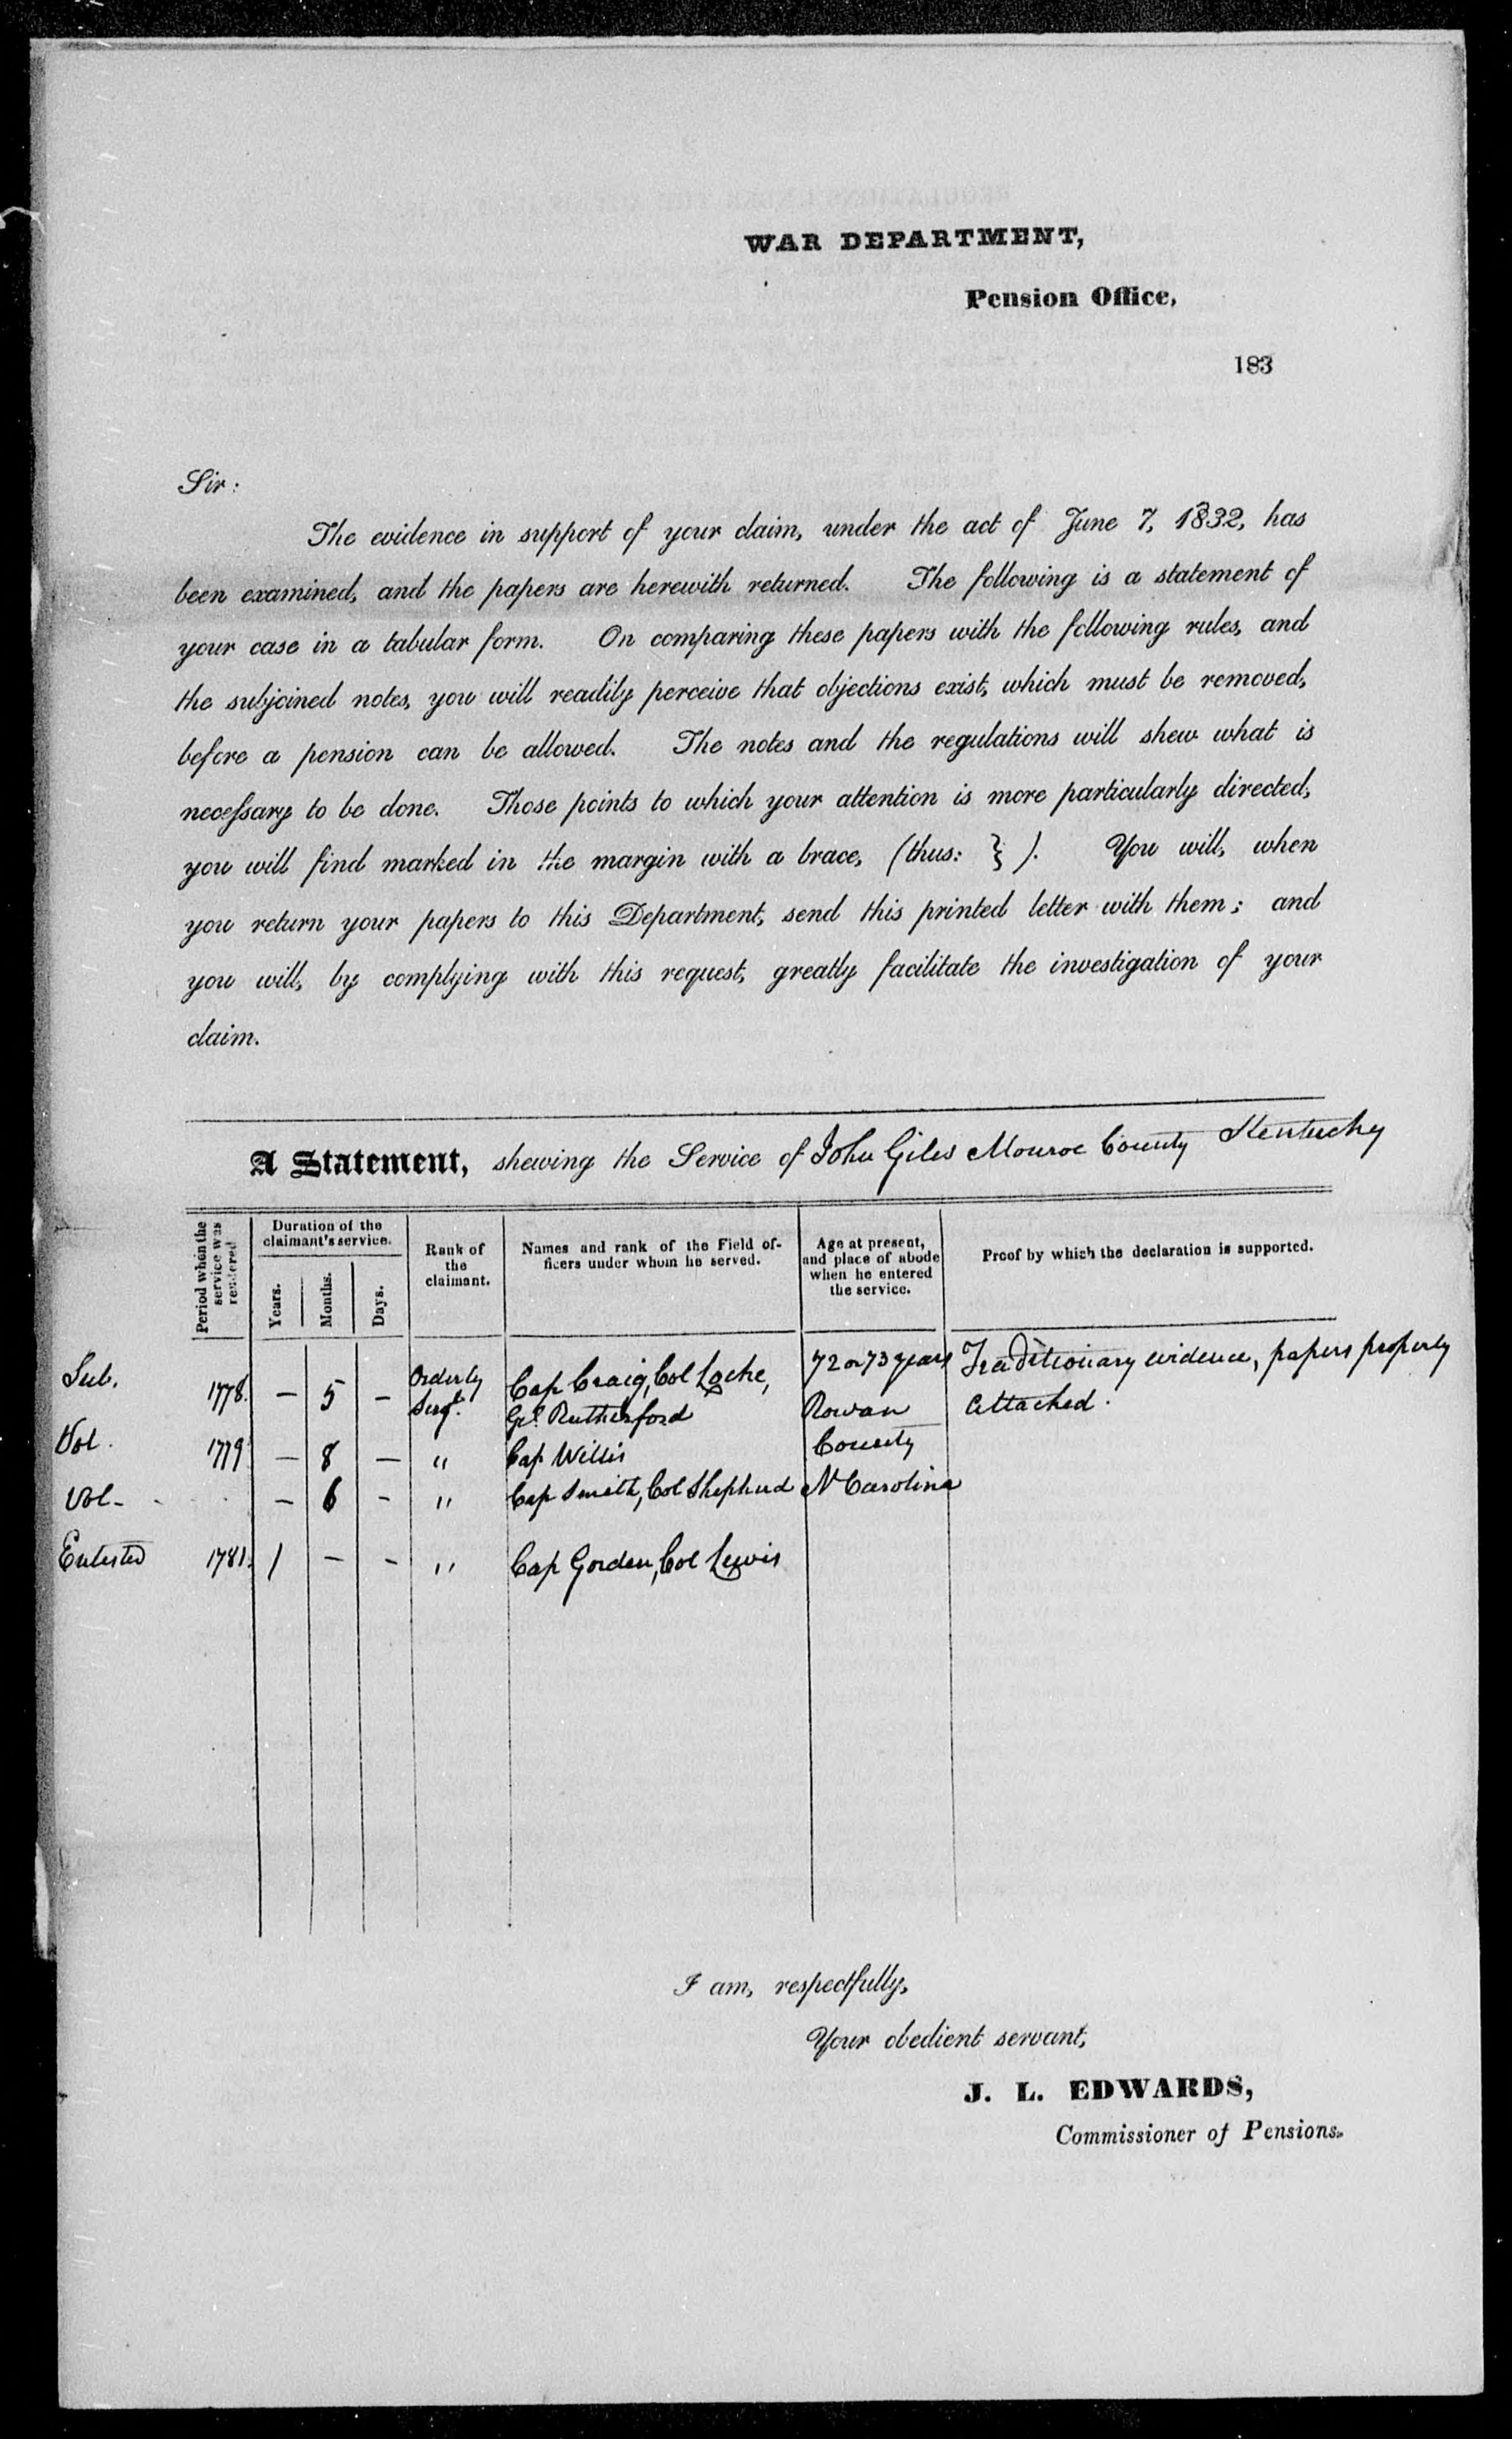WAR DEPARTMENT,

Pension Office
183

Sir

The evidence in support of your claim, under the act of June 7, 1832, has been examined, and the papers are herewith returned. The following is a statement of your case in a tabular form. On comparing these papers with the following rules, and the subjoined notes, you will readily perceive that objections exist, which must be removed, before a pension can be allowed. The notes and the regulations will show what is necessary to be done. Those points to which you attention is more particularly directed, you will find marked in the margin with a brace, (thus: }). You will, when return your papers to this Department, send this printed letter with them; and you will, by complying with this request greatly facilitate the investigation of you claim.



A STATEMENT, showing the Service of John Giles Monroe County Kentucky

Period when service was rendered

Sub. 1778
Vol. 1779
Vol. ...
Entered 1781

Duration of the claimant's service

Years
[DASH] 
[DASH] 
[DASH] 
1

Months
5
8
6
[DASH] 

Days
[DASH] 
[DASH] 
[DASH] 
[DASH] 

Rank of the claimant.
Orderly
Sergt.
Orderly
Sergt.
Orderly
Sergt.
Orderly
Sergt.


Names and rank of the Field officers under whom he served.
Captain Craig, Col Locke, Captain Rutherford
Captain Willis
Captain Smith, Col Shepherd
Captain Gordon, Col Lewis

Age at present, and place of adobe when he entered the service.
72 or 73 years
Rowan County N. Carolina

proof by which the declaration is supported.

Traditionary evidence, papers properly attached

I am, respectfully, 
Your obedient servant,
J.L. EDWARDS,
Commissioner of Pensions.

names: Smith, Lewis, Gorden, Shepherd, John Giles, J L Edwards, Locke, Rutherford, Craig, Willis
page: 13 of 82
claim: widow's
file: W. 7,522, John Giles, N.C.